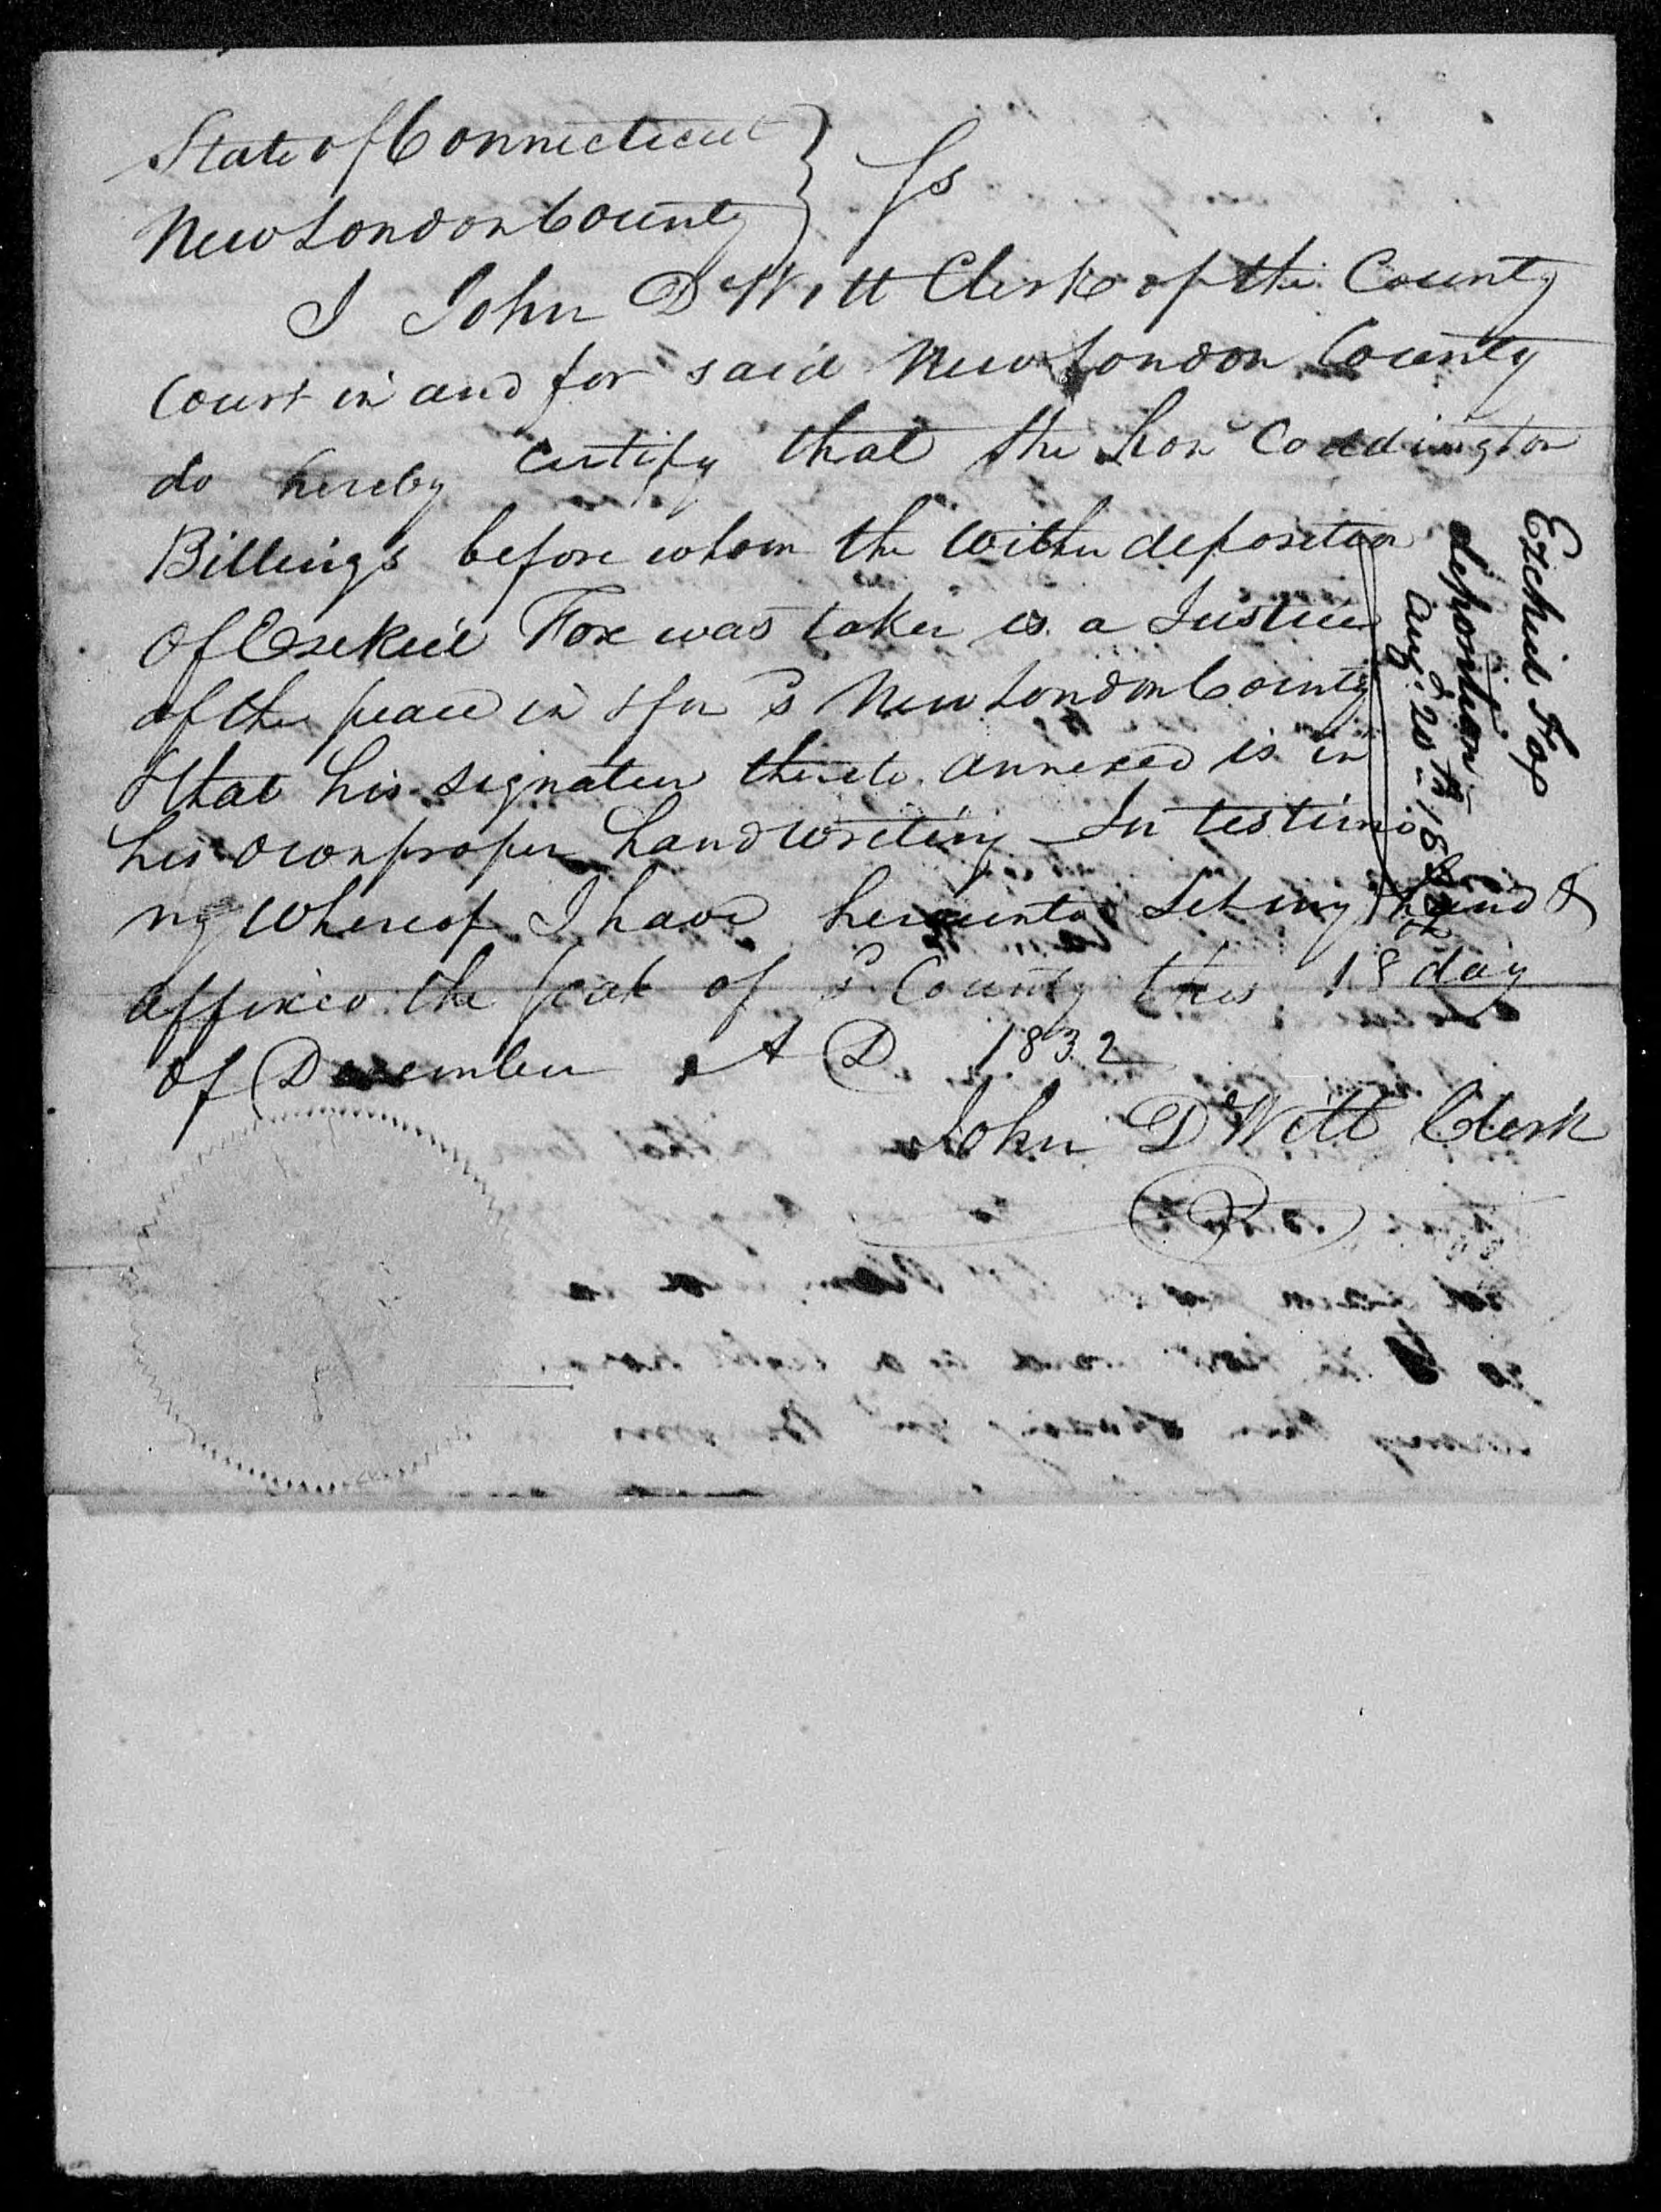State of Connecticut
New London County} ss.

I John De Witt Clerk of the County Court in and for said New London County do hereby certify that the Hon. Coddington Billing's before whom the within deposition of Ezekial Fox was taken is a Justice of the Peace in & for sd New London County & that his signature thereto annexed is in his own proper hand writing. In testimony whereof I have hereunto set my hand & affixed the seal of sd County this 18 day of December AD 1832.

John De Witt Clerk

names: Ezekiel Fox, John De Witt, Ezekiel Fox, Coddington Billings, John De Witt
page: 19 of 53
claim: rejected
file: R. 3732, Jesse Fox, Conn.